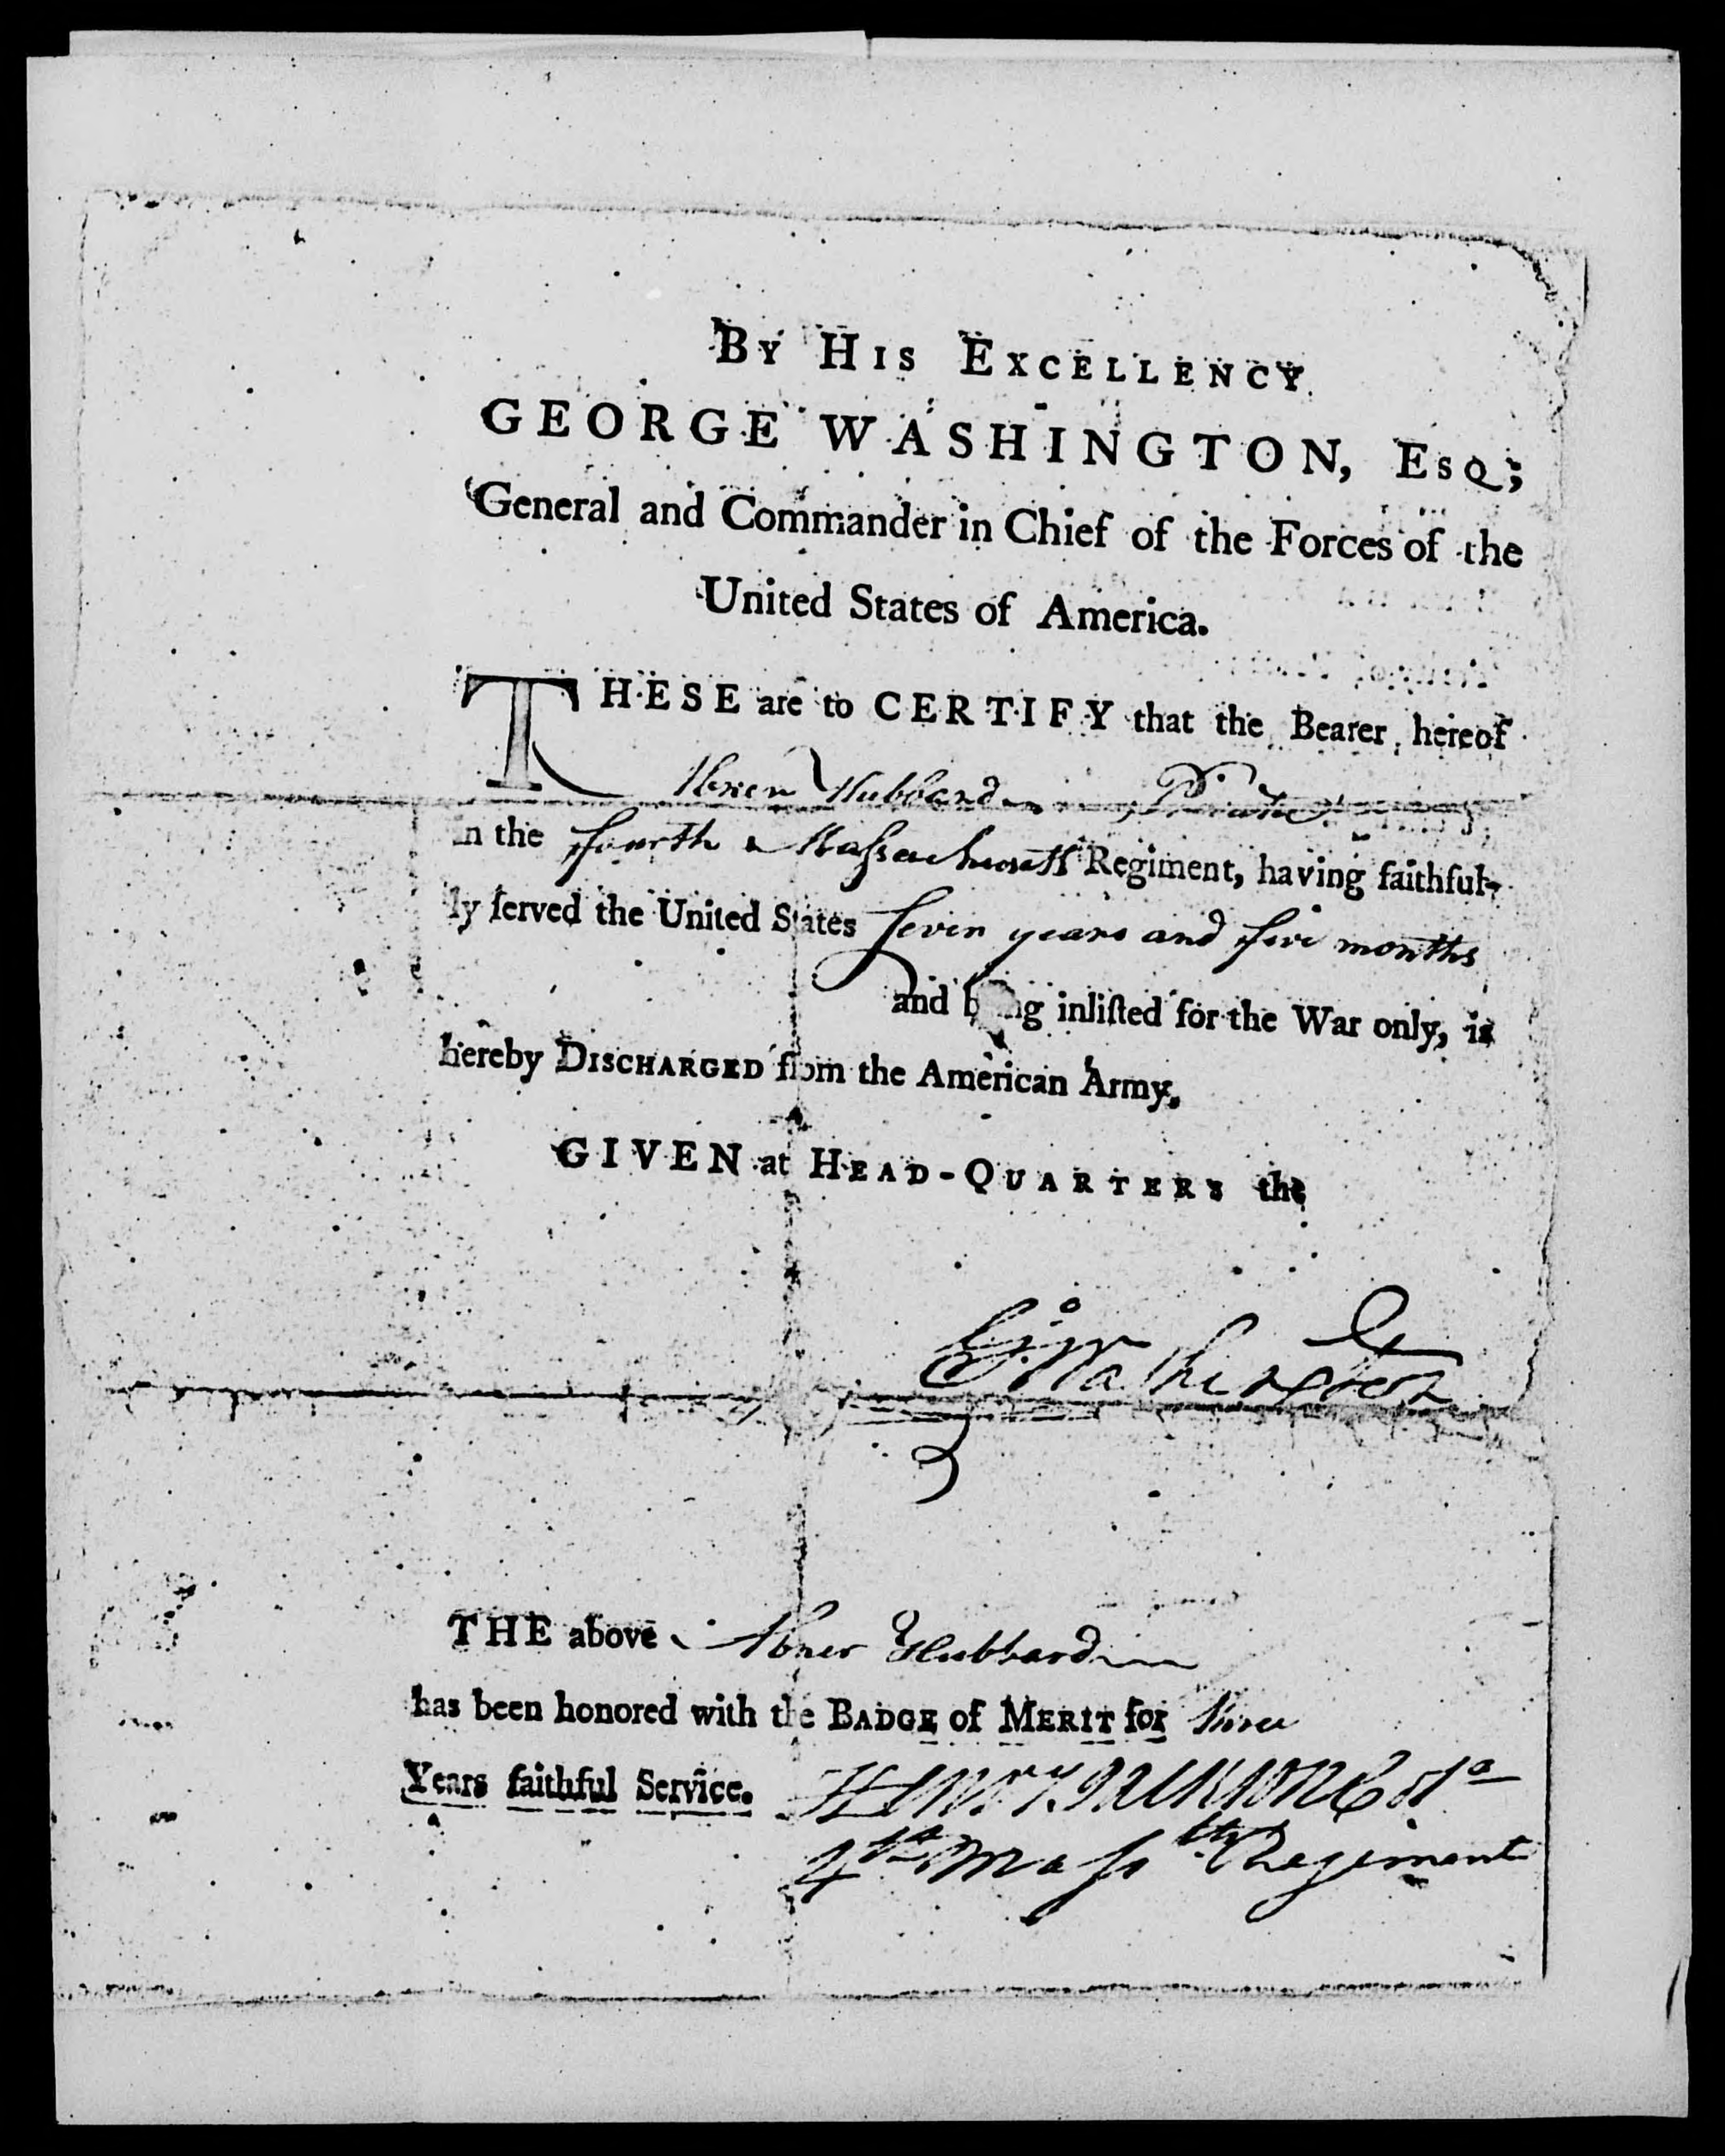By His Excellency.
George Washington,
General and Commander in Chief of the Forces of the 
United States of America.
These are to certify that the Bearer, hereof
Abner Hubbard, Private
in the fourth Massachuetts Regiment, having faithfully served the United States seven years and five months 
and being inlisted for the War only, is
hereby Discharged from the American Army, 
Given at headquarters the 
[illegible signature]
The above Abner Hubbard
has been honored with the Badge of Merit for seven
Years faithul service
[illegible signature]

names: Abner Hubbard, Henry Jackson, George Washington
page: 16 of 38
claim: widow's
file: W. 23,381, Abner Hubbard, Continental Mass.